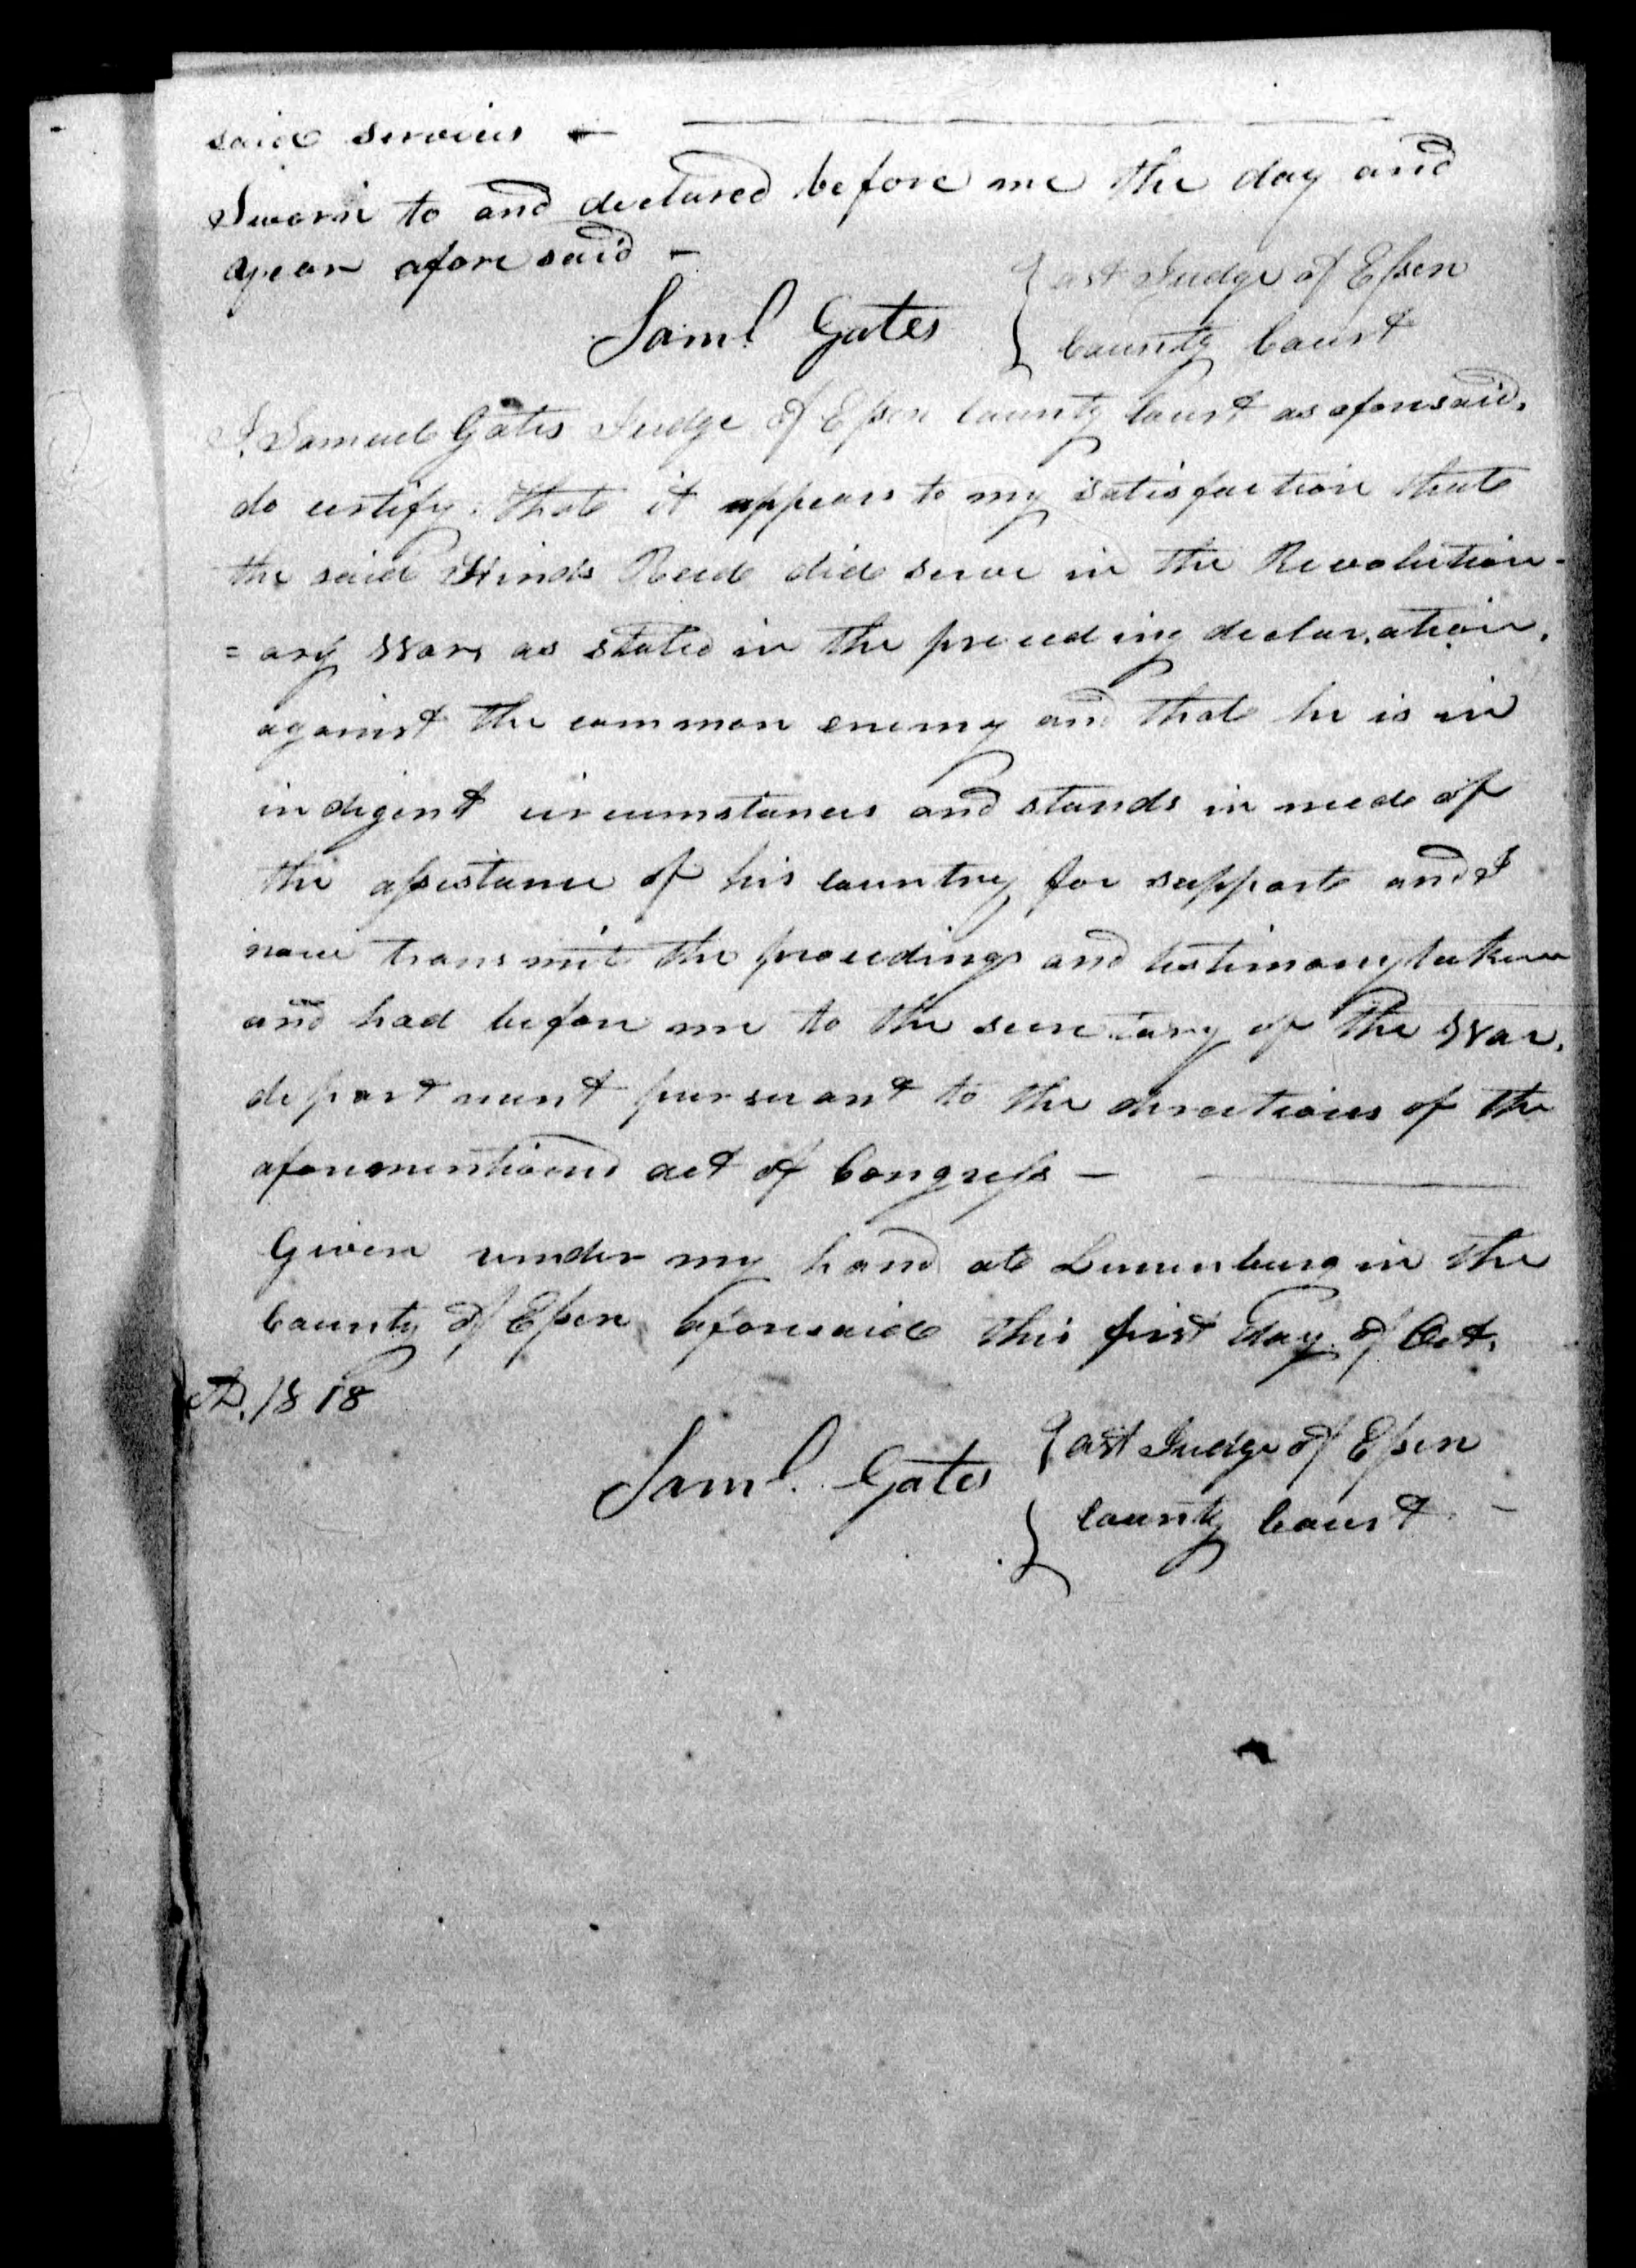said Street
Sworn to and declared before me the day and
year aforesaid
[signature] Saml Gates
 Ast Judge of Essex County Court

I Samuel Gates Judge of open County Court as aforesaid,
do certify, that it appears to my satisfaction that
the said Hinds Reid did serve in the Revolutionary War as stated in the preceding declaration
against the common enemy and that he is in
indigent circumstances and stands in need of
the assistance of his country for support and I
name transmit the procedings and testimony taken
and had before me to the summary of the War,
department pursuant to the directions of the
aforementioned act of Congress-
Given under my hand at Lunenburg in the
County of Essex aforesaid this first day of Oct AD. 1818
[signature] Sam Gates
Ast Judge of Essen
County Court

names: Hinds Reed; Saml Gates; Saml Gates; Samuel Gates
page: 5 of 19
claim: survivor's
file: S 41975, for Hinds Reed, New Hampshire